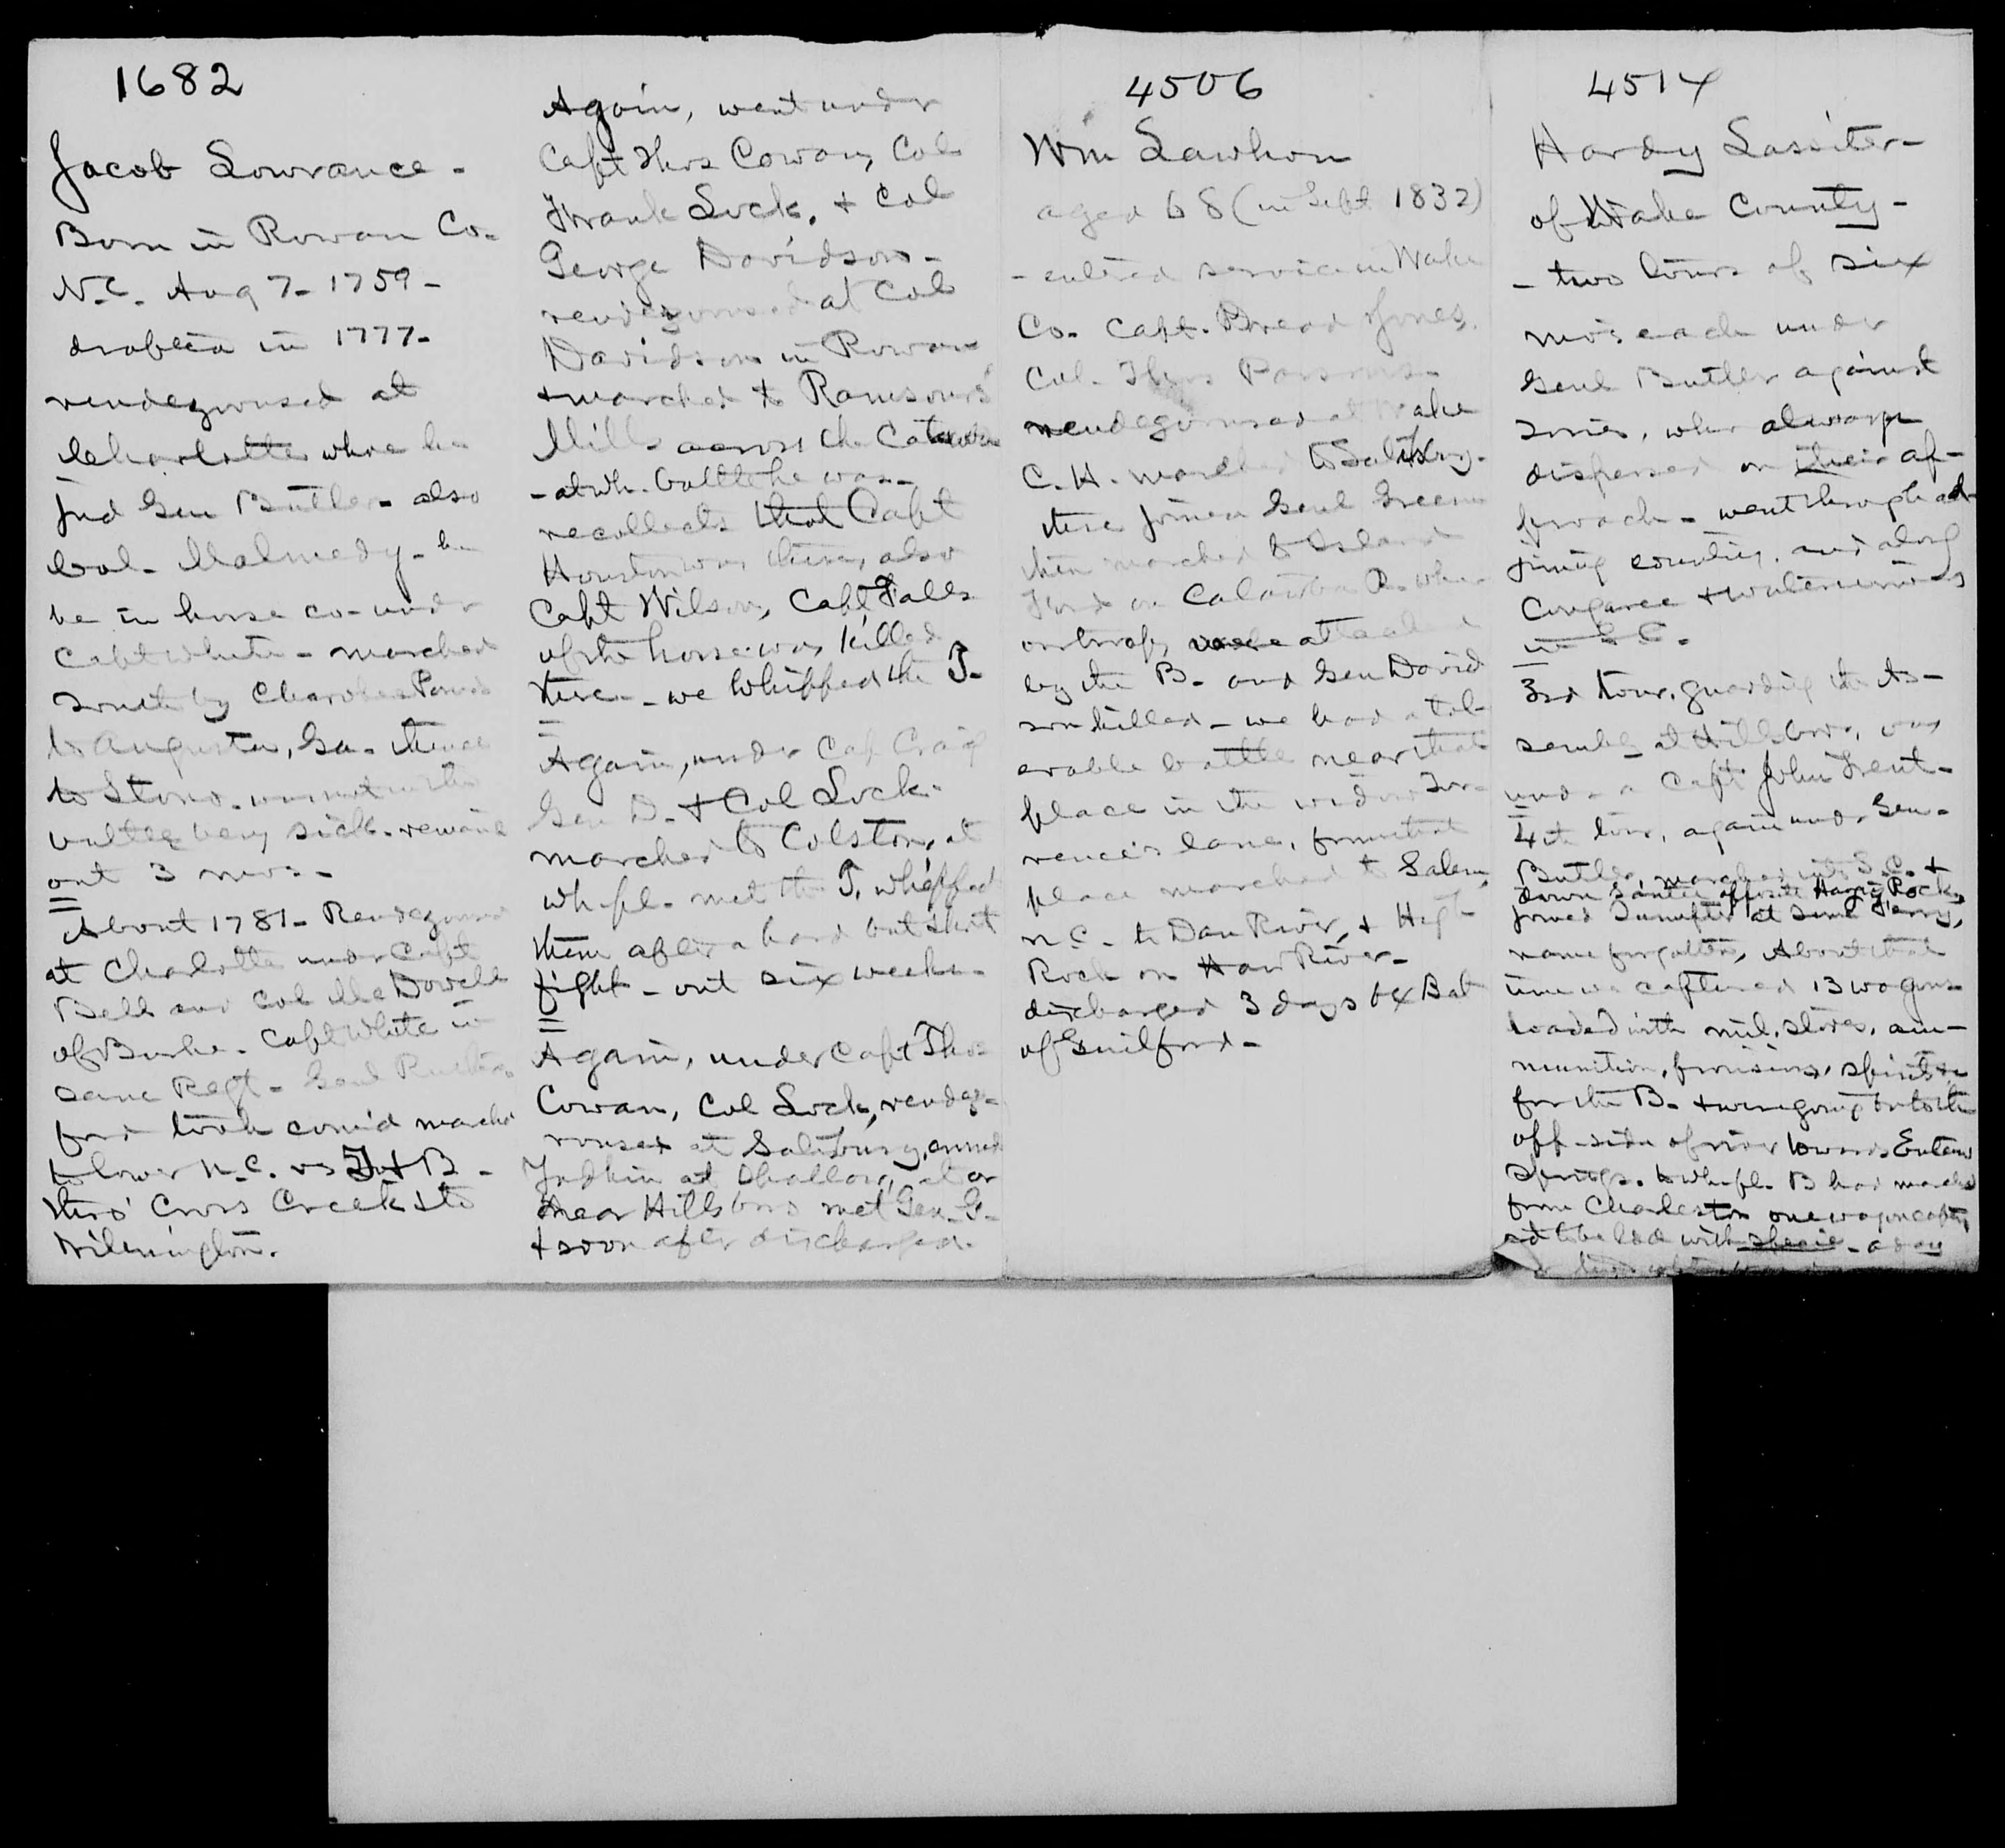1682
Jacob Lowrance - Born in Rowan Co. N.C. Aug 7 - 1759 - drafted in 1777-rendezvoused at Charlotte where he and Gen Butler also  - also Col. Malmedy - he be in horse co. under Capt White - marched south by Cherokee Ponds to Augusta, Ga.  Thence to Stono.  was not in this Battle being sick. remain out 3 mos.
About 1781 Rendezvous at Charlotte under Capt. Bell and Col. McDowell of Burke.  Capt White in same Regt.  Genl Rutherford took com'd marched to lower N.C. vs Genl Butler's Cross Creek & to Wilmington.

Again, went under Capt. Thos Cowan, Col. Frank Lock & Col George Davidson - rendezvoused at Col Davidsons in Rowan & marched to Ramsour's Mills across the Catawba at which Battle he was in - recollects that Capt Houston was there, also Capt Wilson, Capt Falls of the horse was killed there - we whipped the T -
Again, under Capt Craig Gen D. & Col Lock.  Marched to Colston at wh fe.  met the T. Whipped them after a hard but short fight - out six weeks.
=
Again, under Capt. Thos Cowan, Col Lock, rendezvoused at Salisbury, crossed Yadkin at shallows, at or near Hillsboro met Gen. G - & soon after discharged.

4056
Wm Lawhorn aged 68 (in Sept 1832) - entered service in Wake Co. Capt. Dread Jones, Col. Thos Parsons, rendezvoused at Wake C.H. marched to Salisbury.  There joined Genl Green then marched to Island Fort on Catawba River where (illegible) attacked by the B. and Gen Davidson killed - we had a tolerable battle near that place in the Widow Torrence's lane, from that place marched to Salem N.C. to Dan Rier & High Rock on Haw River - discharged 3 days before Battle of Guilford - 

4514
Hardy Lassiter of Wake County - two tours of six mos each under Genl Butler against Tories, who always dispersed on their approach - went through adjoining country and along Congaree and Wateree rivers in S.C.

3rd tour, guarding the assembly at Hillsboro, was under a Capt John Trent=
4th tour, again under Genl Butler, marched in to S.C. & down Santee opposite Hanging Rock.  Joined Sumter at some (illegible) name forgotten.  About that time we captured 13 wagons loaded with mil. stores, ammunition, provisions,  spirits &c from the B & wine going but to the off - side of (illegible) towards Eutaw Springs to (illegible) B had marched from Charleston one wagon captured to be laid with specie - a day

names: C H Ward; Thos Parsons; [BLANK] Butler; Frank Lock; George Davidson; Thos Cowan; Wm Lawhon; Breod Jones; [BLANK] Craig; [BLANK] Dowell; [BLANK] Malmedy; John Treut; Hardy Lassiter; [BLANK] Falls; [BLANK] Charlotte; Jacob Lowrance; [BLANK] Houston; [BLANK] Green; [BLANK] Wilson; [BLANK] Bell; [BLANK] Rutherford; [BLANK] Lock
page: 14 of 16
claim: survivor's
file: S 4506, for William Lawhorn, North Carolina